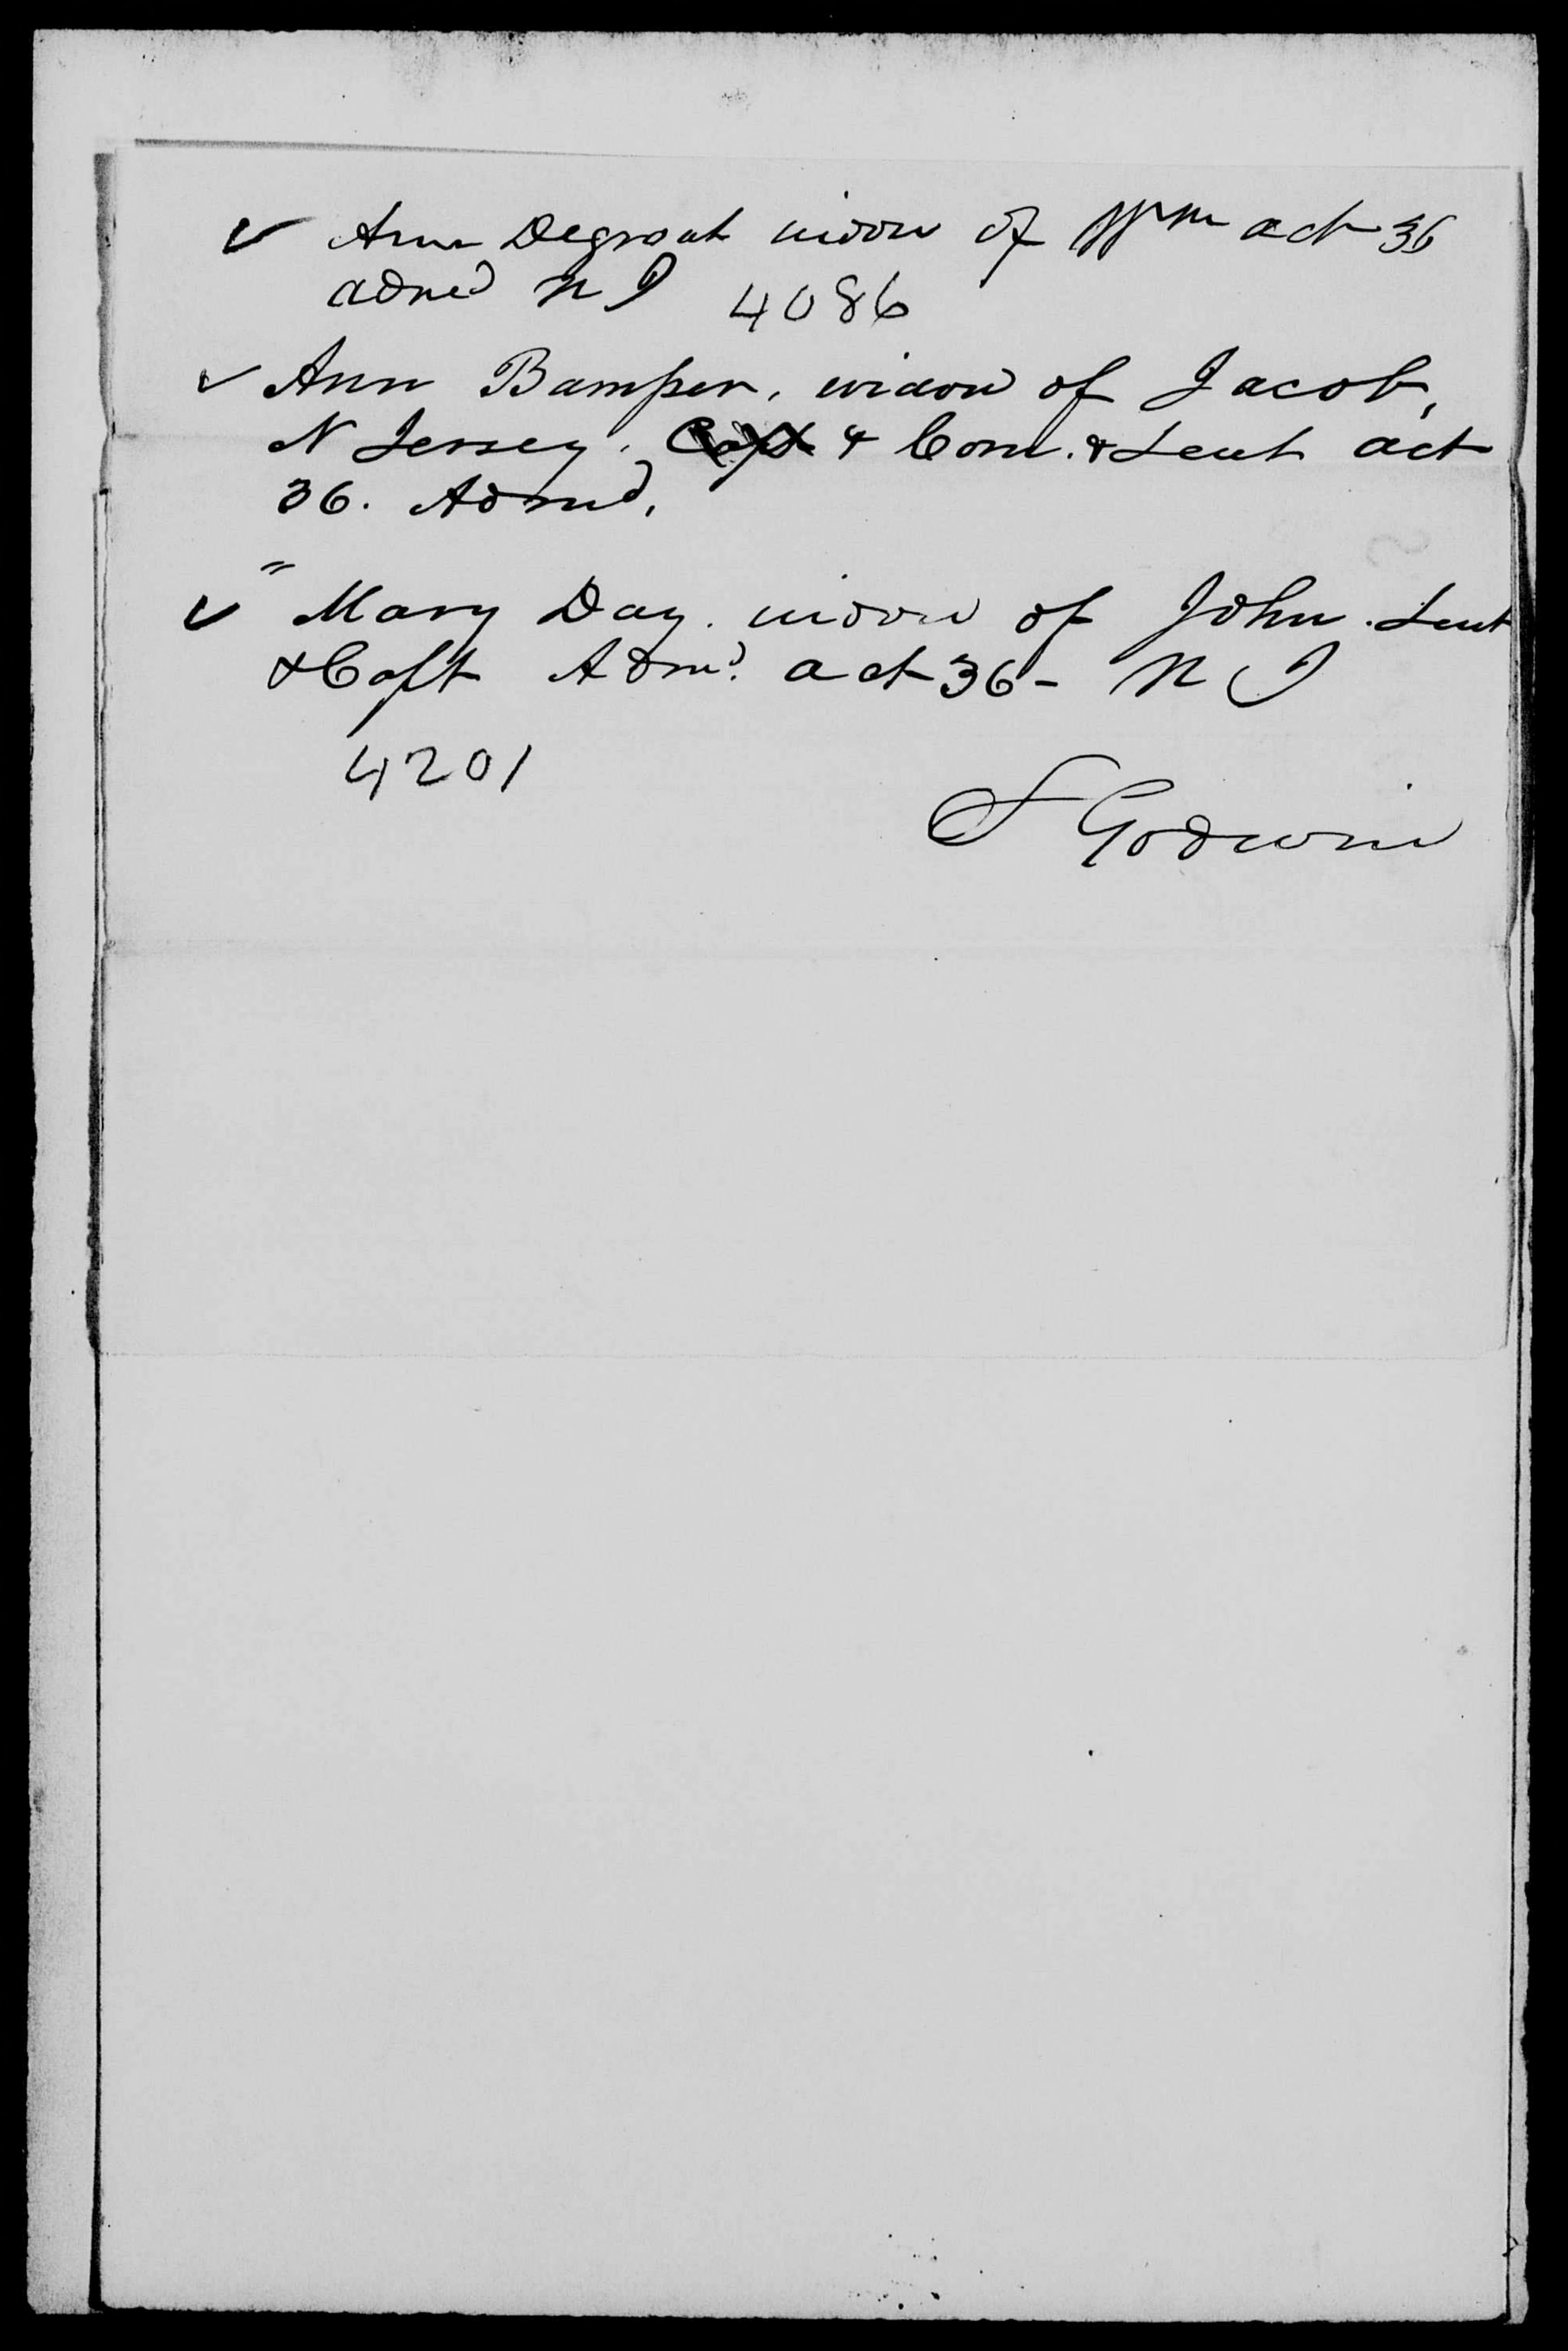[check marks before each line]

Ann Degroot at widow of Wm act 36
Admd N.J.  4086

Ann Bamper, widow of Jacob
N Jersey  ['Capt' crossed out] & Com.e & Lieut. act 36. Admd

Mary Day widow of John Lieut.
& Capt Admd. act 36- N.J.
4201

S. Godwin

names: Ann Bamper, S Godwin, Mary Day, Wm Degroat, John Day, Ann Degroat, Jacob Bamper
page: 52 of 77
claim: widow's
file: W. 417, William De Groot, New Jersey